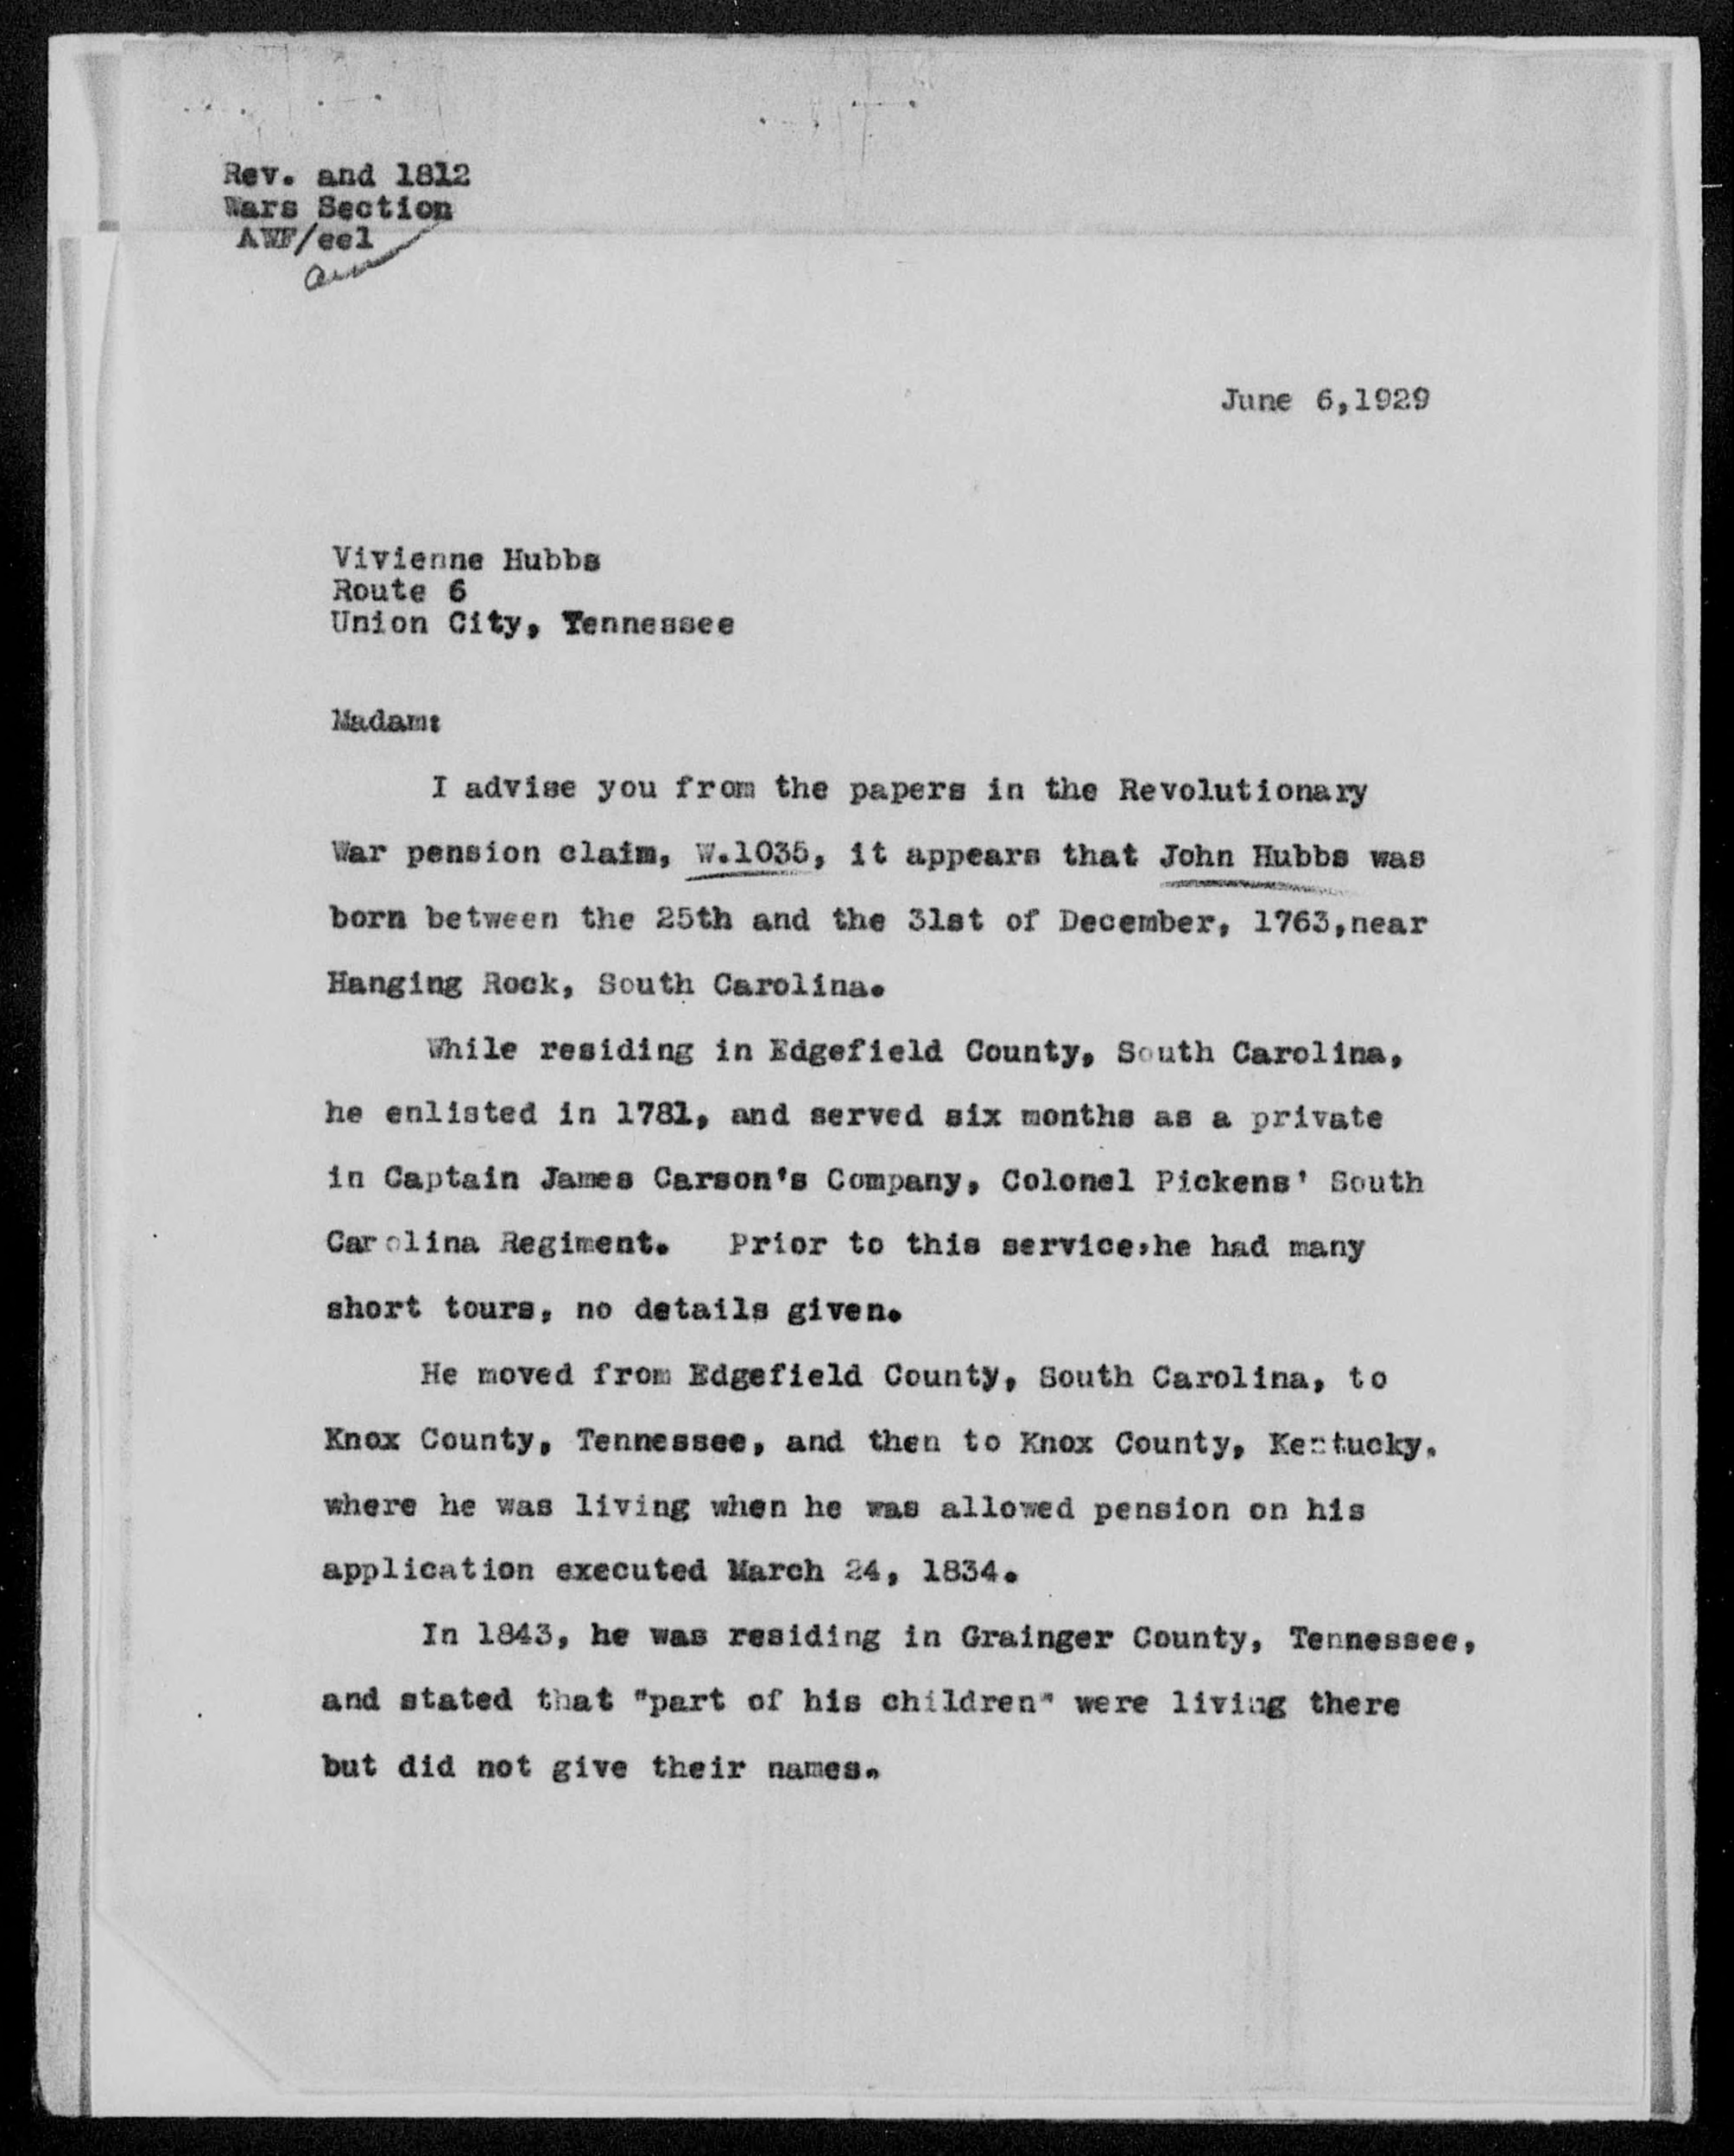Rev. and 1812 
Wars Section
AWF /eel

June 6,1929

Vivienne Hubbs
Route 6
Union City, Tennessee

Madam:

I advise you from the papers in the Revolutionary
War pension claim, W.1035, 1t appears that John Hubbs was born between the 25th and the 31st of December, 1763, near Hanging Rock, South Carolina.

While residing in Edgefield County, South Carolina, 
he enlisted in 1781, and served six months as a private in Captain James Carson's Company, Colonel Pickens' South Carolina Regiment. Prior to this service, he had many 
short tours, no details given.

He moved from Edgefield County, South Carolina, to 
Knox County, Tennessee, and then to Knox County, Kentucky. where he was living when he was allowed pension on his application executed March 24, 1834.

In 1843, he was residing in Grainger County, Tennessee,
and stated that "part of his children were living there 
but did not give their names.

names: Vivienne Hubbs, John Hubbs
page: 23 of 86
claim: widow's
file: W. 1035, John Hubbs, S.C.